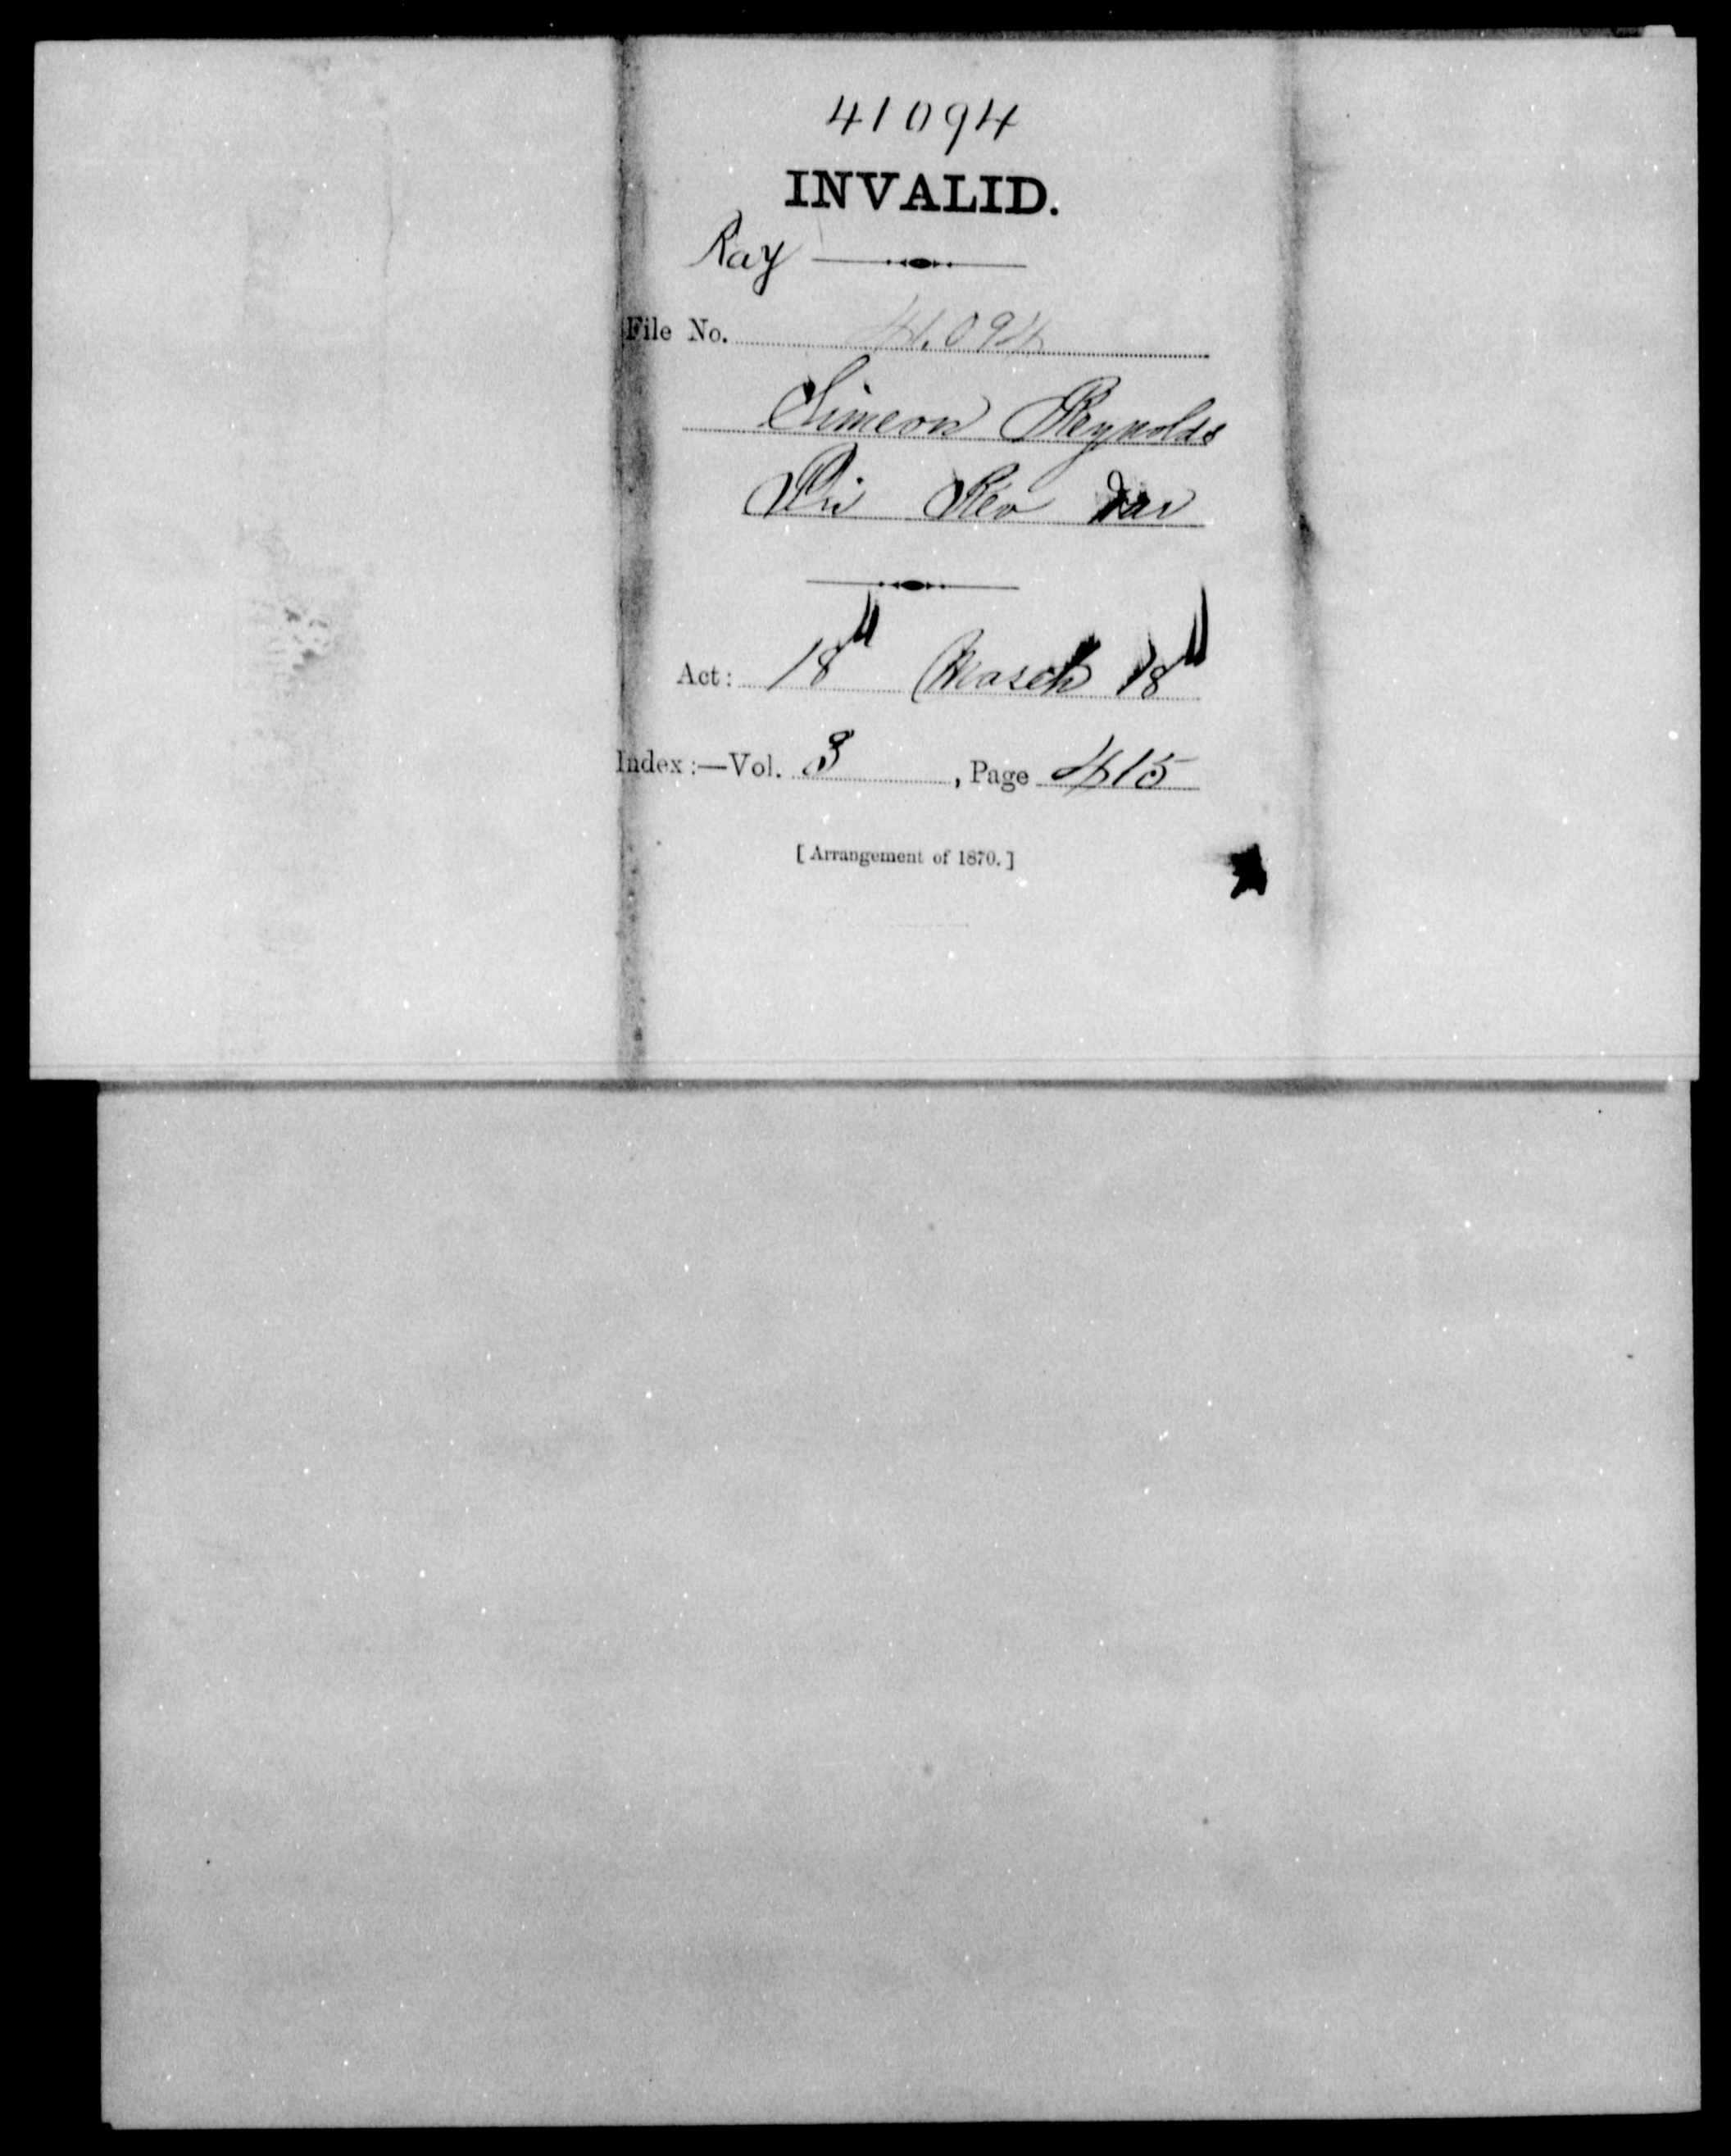41094
Rev INVALID

File No. 41094
Simeon Reynolds
Pri. Rev War

Act: 18th March 18

Index:- Vol. 3. Page 415

[Arrangement of 1870]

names: Simeon Reynolds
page: 20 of 20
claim: survivor's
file: S. 41,094, for Simeon Reynolds, Connecticut